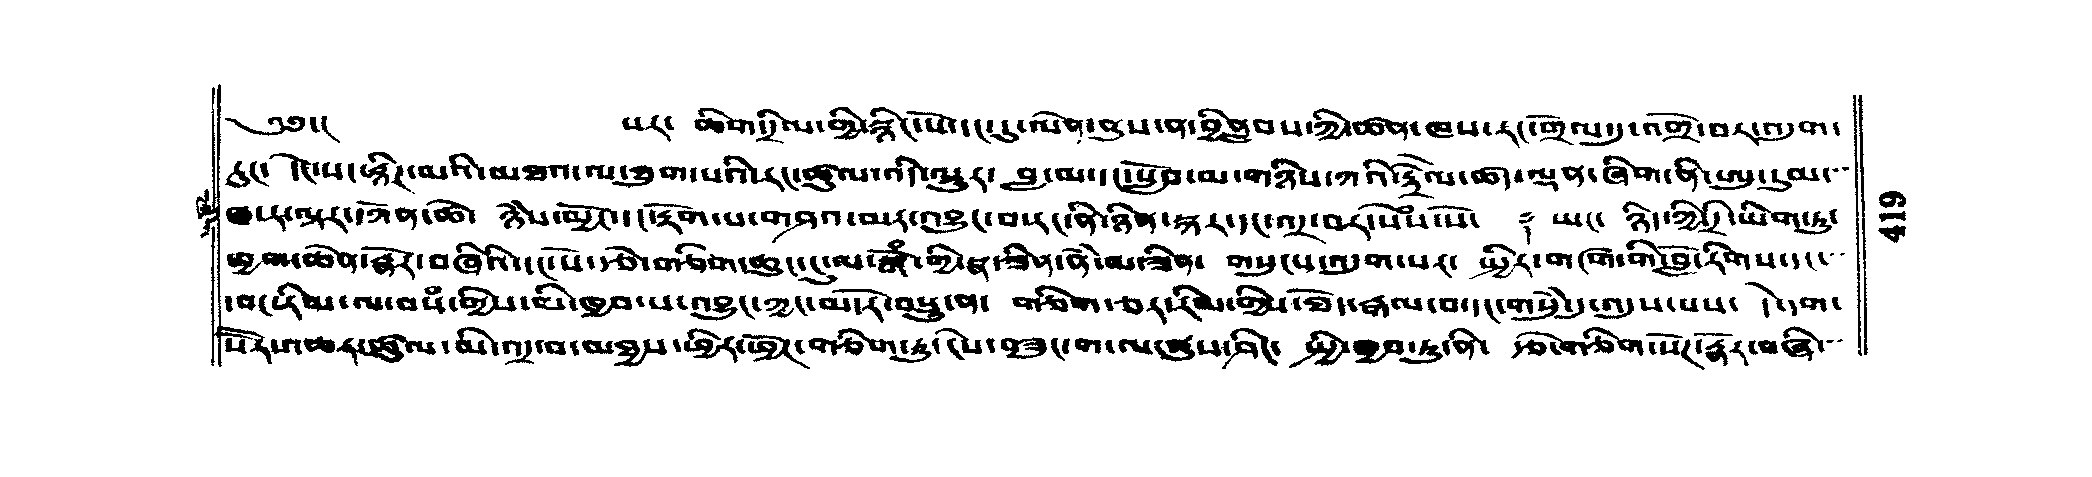པར། ཆིག་དྲིལ་གྱི་སྙིང་པོ་དང་དུ་ལེན་ནུས་ན་བྱིན་རླབས་ཀྱི་ཚན་ཁས་རང་གྲོལ་དུ་འགྲོ་བར་འདུག་
རུང་། དེང་སང་རྙིགས་མའི་མཐའ་ལ་ཐུག་པའི་རང་ཚུལ་འདི་ལྟ་བུར། བླ་མ་དང་སློབ་མ་གཉིས་ཀའི་རྟེན་འབྲེལ་ཚད་ལྡན་ཞིག་ནི་ཨུ་དུམ་
ཝ་ར་ལྟར་དཀོན་ཚེ། ཉམས་མྱོང་དང་རྟོག་པ་གཤའ་མར་འབྱུང་བ་རང་ནི་ཉིན་སྐར་དང་འདྲ་བར་སེམས་སོ། ༈ ཡང་ཉིད་ཀྱི་དྲི་ཡིག་ཏུ་
ཕྱག་ཆེན་རྣལ་འབྱོར་བཞིའི་དང་པོ་རྩེ་གཅིག་ཆུང་ངུ་ལ་སྒོམ་གྱི་སྣ་ཟིན་ནམ་མ་ཟིན། གསུངས་འདུག་པར། སྤྱིར་གདམས་ངག་གི་བློ་རིགས་དང་
དབང་རིམ་ལ་བསམ་གྱིས་མི་ཁྱབ་པ་འབྱུང་ཀྱང་མདོར་བསྡུ་ན། གཅིག་ཅར་རིམ་གྱིས་ཐོད་རྒལ་བ་དང་གསུམ་དུ་འདུས་པས། དེ་དག་
སོ་སོར་འཆར་ཚུལ་མི་འདྲ་བ་་མཐའ་ཡས་ཕྱིར་ཕྱོགས་གཅིག་ཏུ་ངེས་བཟུང་ག་ལ་ནུས་ཤིང་། སྤྱི་ཁྱབ་ཏུ་ནི། རྩེ་གཅིག་སོགས་རྣལ་འབྱོར་བཞི་